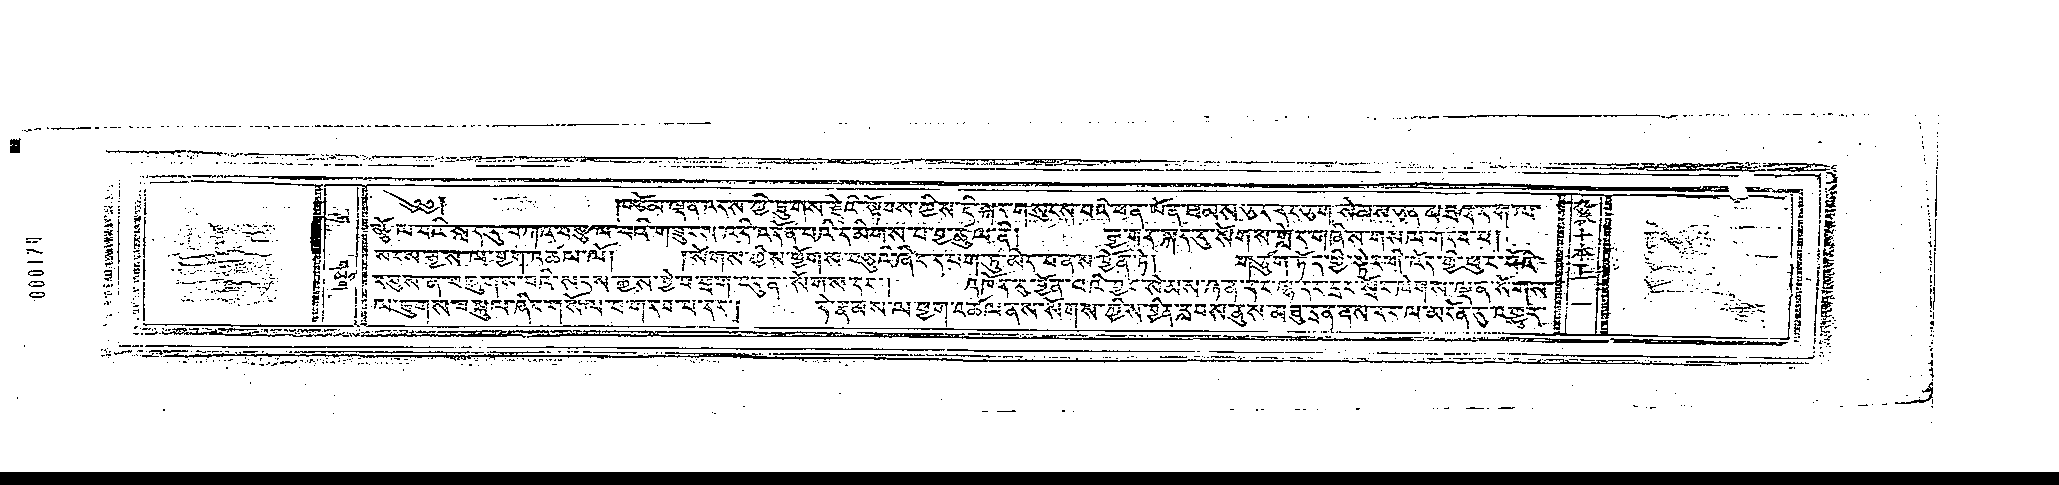༄༅། །བཅོམ་ལྡན་འདས་ཀྱི་ཐུགས་རྗེའི་སྟོབས་ཀྱིས་ཇི་སྐད་གསུངས་པའི་ཕན་ཡོན་ཐམས་ཅད་རང་ཅག་སེམས་ཅན་མཐའ་དག་ལ་
སྩོལ་བའི་སླད་དུ་བཀའ་བསྩལ་བའི་གཟུངས་འདི་འདོན་པའི་དམིགས་པ་བྱ་ཚུལ་ནི། རྒྱ་གར་སྐད་དུ་སོགས་གླེང་གཞིས་གསལ་གདབ་པ།
སངས་རྒྱས་ལ་ཕྱག་འཚལ་ལོ། །སོགས་ཀྱིས་ཕྱོགས་བཅུའི་ཞིང་དཔག་ཏུ་མེད་པ་ནས་བྱོན་ཏེ། གཙུག་ཏོར་གྱི་སྟེང་གི་འོད་ཀྱི་ཕུང་པོའི་
དབུས་ན་བཞུགས་པའི་སངས་རྒྱས་བྱེ་བ་ཕྲག་བདུན་སོགས་དང་། འཁོར་དུ་བྱོན་པའི་བྱང་སེམས་ཉན་རང་ལྷ་དང་དྲང་སྲོང་ལེགས་ལྡན་སོགས་
ལ་ཐུགས་བསྐུལ་ཞིང་གསོལ་བ་གདབ་པ་དང་། དེ་རྣམས་ལ་ཕྱག་འཚལ་ནས་སོགས་ཀྱིས་བྱིན་རླབས་ནུས་མཐུ་དྲན་ནས་རང་ལ་མངོན་དུ་འགྱུར་